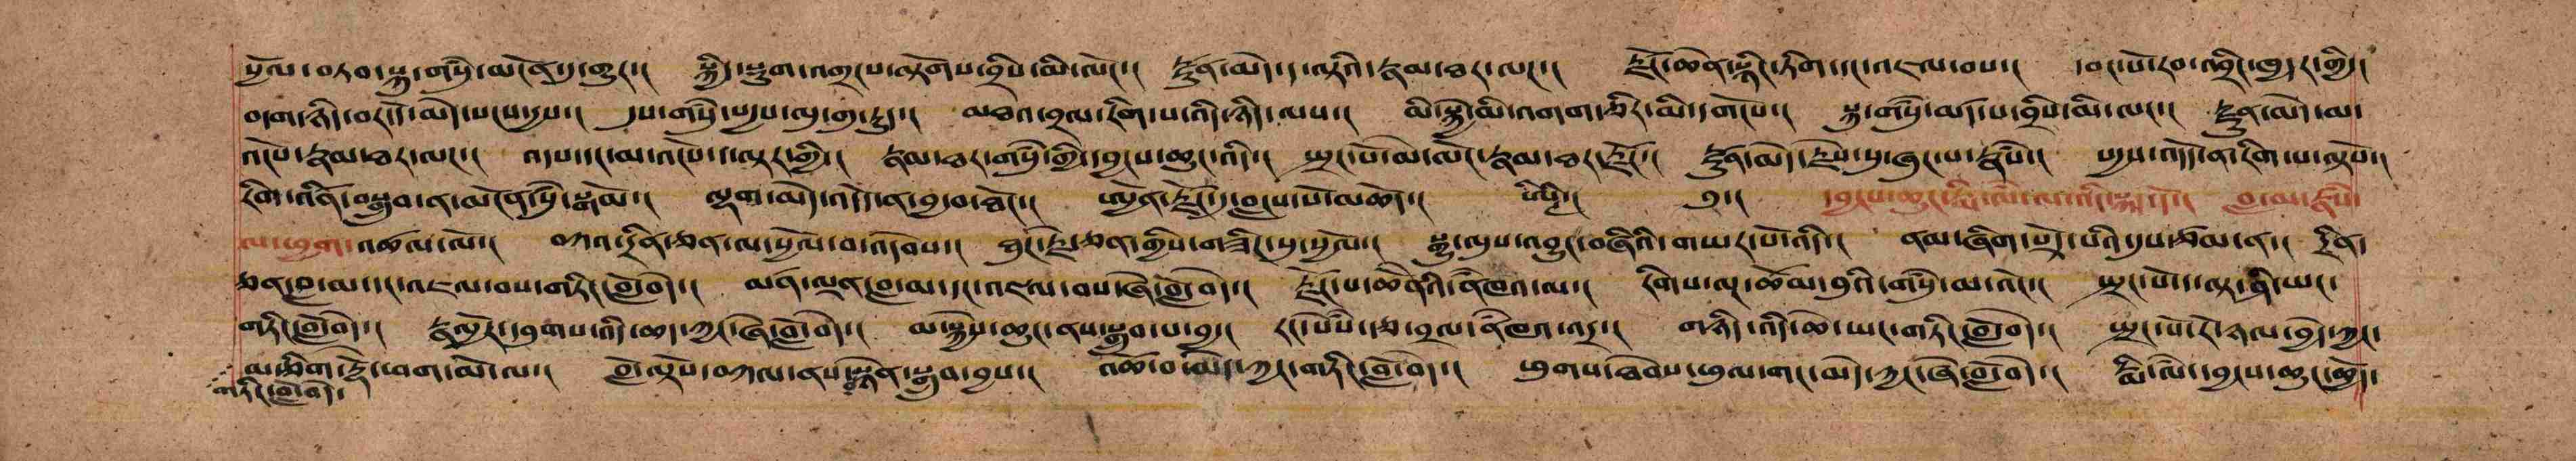གསོལ་བཏབ་སྐུ་གསུམ་མངོན་དུ་གྱུར། སྐྱིད་སྡུག་འགྲངས་ལྟོགས་བྲིས་མི་ལོང་། རྫུན་མེད་ད་ལྟའི་རྣམ་ཐར་ལགས། རྫོགས་ཆེན་སྙིང་ཏིག་དང་འཇལ་བས། དབང་པོ་རབ་འབྲིང་ཁྱད་པར་གྱི། 
བདག་ཉིད་བར་དོ་མེད་སངས་རྒྱས། དུས་གསུམ་སངས་རྒྱས་ལུ་གུ་དྱུད། མཐའ་བྲལ་རིག་པ་འདི་ཉིད་ལས། མི་སྐྱེ་མི་འགག་ཅིར་མི་དགོངས། སྐུ་གསུམ་མཛད་པ་བྲིས་མི་ལང་། རྫུན་མེད་ལ་
འོངས་རྣམ་ཐར་ལགས། འདས་དང་མ་འོངས་ད་ལྟར་གྱི། རྣམ་ཐར་གསུམ་གྱི་དབྱངས་ཆུང་འདི། སྤྲང་པོ་མེ་ལོང་རྣམ་ཐར་རྫོགས། རྫུན་མེད་རྗེས་སུ་ཞུགས་པ་རྣམས། སངས་རྒྱས་འདོད་ན་རིག་པ་ལྟོས། 
རིག་འཛིན་བསྒྲུབ་ན་མངོན་གསུམ་སྒོམ། ལྷག་མེད་འདོད་ན་བྱ་བ་ཐོང་། ཨོ་རྒྱན་རྫོང་དུ་བླངས་པོ་མཆོད། ཨིཊི། ༄་། དབྱངས་ཆུང་རྨི་ལམ་ལ་འདི་སྐད་དོ། བླ་མ་རྣམས་
ལ་ཕྱག་འཚལ་ལོ། བཀའ་དྲིན་ཅན་ལ་གསོལ་བ་འདེབས། ཐུགས་རྗེ་ཅན་གྱིས་གཟིགས་སུ་གསོལ། སྒྱུ་ལུས་འབྱུང་བཞིའི་གཡར་པོ་འདི། ནམ་ཞིག་སྡོད་པའི་དུས་ཙམ་ན། དྲིན་
ཅན་བླ་མ་དང་འཇལ་བས་གཏིང་བློ་བདེ། མཚན་ལྡན་བླ་མ་དང་མཇལ་བས་ཞེ་བློ་བདེ། རྫོགས་པ་ཆེན་པོའི་ནམ་མཁའ་ལ། རིགས་ལྔ་ཚོམ་བུའི་གསུམ་མ་འོང་། སྤྲང་པོ་ད་ལྟ་ཤི་ཡང་
གཏིང་བློ་བདེ། རྣལ་འབྱོར་དབུགས་འདི་ཆད་ཀྱང་ཞེ་བློ་བདེ། མ་སྐྱེས་ཆུང་ནས་སྒྲུབ་པ་བྱ། རང་སེམས་རྩ་བྲལ་ནམ་མཁའ་འདྲ། གཉིད་འདི་ཆེ་ཡང་གཏིང་བློ་བདེ། སྤྲང་པོ་རོལ་བྱེད་ཀྱང་
གཏིང་བློ་བདེ། མ་ཅིག་རྡོ་རྗེ་ཕག་མོ་ལ། བློ་ལྟོས་བཀལ་ནས་སྙེན་སྒྲུབ་བྱས། འཚེ་བ་མེད་ཀྱང་གཏིང་བློ་བདེ། ཕུགས་ཐེབས་ཕུལ་གང་མེད་ཀྱང་ཞེ་བློ་བདེ། རྨི་ལམ་དབྱངས་ཆུང་ཆྱོད་